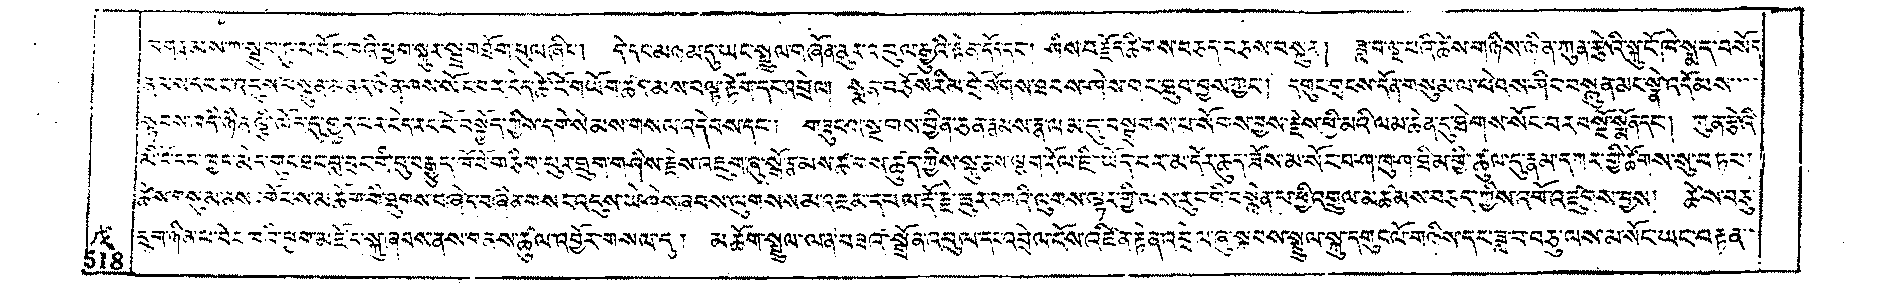ཁག་རྣམས་ཀ་སྦུག་ཏུ་ཕ་བོང་ཁའི་ཕྱག་སྐུར་སྦྲག་ཐོག་ཕུལ་ཞིང་། དེ་དང་མཉམ་དུ་ཡང་སྤྲུལ་གཞོན་ནུར་འབུལ་རྒྱུའི་རྟེན་དོད་དང་། ཤིས་བརྗོད་ཚིགས་བཅད་བཅས་བསྐུར། ཟླ་བ་ལྔ་པའི་ཚེས་གཉིས་ཉིན་ཀུན་རྩེའི་སྐུ་ངོ་ཁེ་སྨད་བསོད་
ནམས་དབང་འདུས་བསྙུན་མནར་ཉིན་ཤས་སོང་བར་ངེད་ཚོ་ངོ་གཡོག་ཚད་མས་བལྟ་རྟོག་དང་འབྲེལ། སྨན་བཅོས་རིམ་གྲོ་སོགས་ཐབས་ཤེས་གང་ཐུབ་བྱས་ཀྱང་། དགུང་གྲངས་དོན་གསུམ་ལ་ཕེབས་ཤིང་བསྙུན་མང་སྣེ་འདོམས་
སྟབས་འདི་ཉིན་ལྕི་ལོད་དུ་གྱུར་པར་ངེད་རང་ངོ་བསྐྱོད་ཀྱིས་དགེ་སེམས་གསལ་འདེབས་དང་། གཟུངས་སྔགས་བྱིན་ཅན་རྣམས་རྣ་ལམ་དུ་བསྒྲགས་པ་སོགས་བྱས་རྗེས་ཕྱི་མའི་ལམ་ཆེན་དུ་ཐེགས་སོང་བར་བསྔོ་སྨོན་དང་། ཀུན་རྩེའི་
མི་ངོ་དང་ཁྱད་མེད་གུང་ཐང་བླ་བྲང་གི་བུ་བརྒྱུད་ཁོ་བོ་གཅིག་པུར་ཐུག་གཤིས་རྗེས་འཇུག་ཞུ་སྒོ་རྣམས་ཚགས་ཚུད་ཀྱིས་སྐུ་ཆས་ལྷག་རོལ་ཇི་ཡོད་བར་མ་དོར་ཆུད་ཟོས་མ་སོང་བ་ཤ་ཁུ་ཤ་ཐིམ་གྱི་ཚུལ་དུ་རྣམ་དཀར་གྱི་ཚོགས་སུ་བཏང་།
ཚེས་གསུམ་ནས་༧གོང་ས་མཆོག་གི་ཐུགས་བཞེད་བཞིན་གསང་འདུས་ཡེ་ཤེས་ཞབས་ལུགས་སམ་འཇམ་དཔལ་རྡོ་རྗེ་ཟུར་བཀའི་ལུགས་ལྟར་གྱི་ལས་རུང་གི་བསྙེན་པ་ཕྱི་འགྲུལ་མཚམས་བཅད་ཀྱིས་འགོ་འཛུགས་བྱས། ཚེས་བཅུ་
དྲུག་ཉིན་ཕ་བོང་ཁའི་ཕྱག་མཛོད་སྐུ་ཞབས་ནས་གནས་ཚུལ་འབྱོར་གསལ་དུ། མཆོག་སྤྲུལ་ལ་ན་བཟའ་སྒྲོན་འབུལ་དང་འབྲེལ་ངོས་འཛིན་རྟེན་འབྲེལ་ཞུ་སྐབས་སྤྲུལ་སྐུ་དགུང་ལོ་གཉིས་དང་ཟླ་བ་བཅུ་ལས་མ་སོང་ཡང་བརྟན་